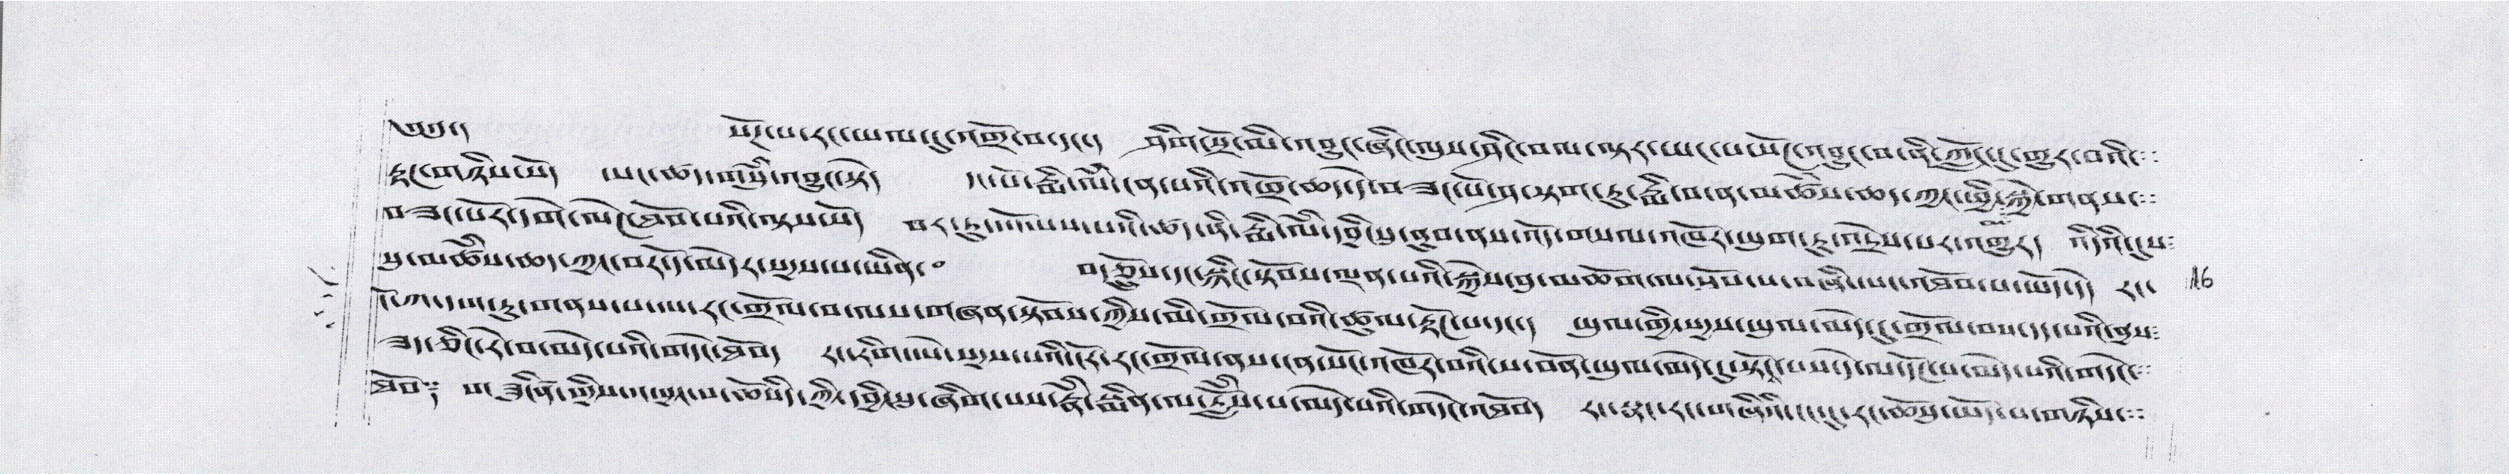སོགས་པ་རང་ཡལ་དུ་འགྲོ་བ་དང། ཤིག་སྲོ་མི་འབྱུང་ཞིང་ལུས་ཤིང་བལ་ལྟར་ཡང་པ་སོགས་འབྱུང་བ་ནི་ཀློང་དུ་གྱུར་བའི་
རྟགས་གཉིས་སོ། ཡང་ཚད་གསུམ་འབྱུང་སྟེ། དང་པོ་རྨི་ལམ་ངན་པའི་འཕྲོ་ཆད་དེ་བཟང་པོ་ཤ་སྟག་ཏུ་རྨི་བ་ན་མཚམས་ཆད་ཀྱང་ཕྱི་མ་སྐྱེ་གནས་
བཟང་པོར་དགེ་ལེགས་ཐོབ་པའི་ལྟས་སོ། བར་དུ་༼༽པའི་ཚད་ནི་རྨི་ལམ་དབྱིངས་སུ་ནུབ་ནས་འོད་གསལ་འཁོར་ཡུག་ཏུ་འདྲེས་པར་འགྱུར། འདིའི་དུས་
སུ་མཚམས་ཆད་ཀྱང་བར་དོ་མེད་པར་སངས་རྒྱས་པ་ཡིན། བརྩོན་འགྲུས་དང་སྙིང་སྟོབས་ལྡན་པའི་སྐྱེས་བུ་མཆོག་ལ་ཐོབ་པ་བཞི་ཡང་འཐོབ་པ་ཡོད་དེ། རང་
ངོ་ཀ་དག་ཏུ་གནས་པ་ལ་རང་གྲོལ་བ་ལས་གཞན་སྟོབས་ཀྱིས་མི་གྲོལ་བའི་ཚུལ་རྟོགས་པ་དང། ཡུལ་གྱི་སངས་རྒྱས་ཡུལ་མེད་དུ་གྲོལ་བས་དད་པའི་གནས་
ཟད་ཅིང་རེ་བ་མེད་པའི་གདེང་ཐོབ། རང་རིག་ཡེ་སངས་རྒྱས་པའི་ངོར་རང་གྲོལ་ནས་ངན་སོང་འཁོར་བའི་ས་བོན་ཡུལ་མེད་དུ་སྟོང་པས་དེ་ལ་དོགས་པ་མེད་པའི་གདེང་
ཐོབ། གཟུང་འཛིན་གྱིས་འཕྱང་བ་ཆོས་ཉིད་ཀྱིད་དབྱིངས་སུ་ཞིག་པས་རྣམ་སྨིན་ལ་རློམས་པ་མེད་པའི་གདེང་འཐོབ། རང་སྣང་རང་གཞིའི་ངང་དུ་རང་ཆོས་སུ་ཡོད་པ་གཉིས་